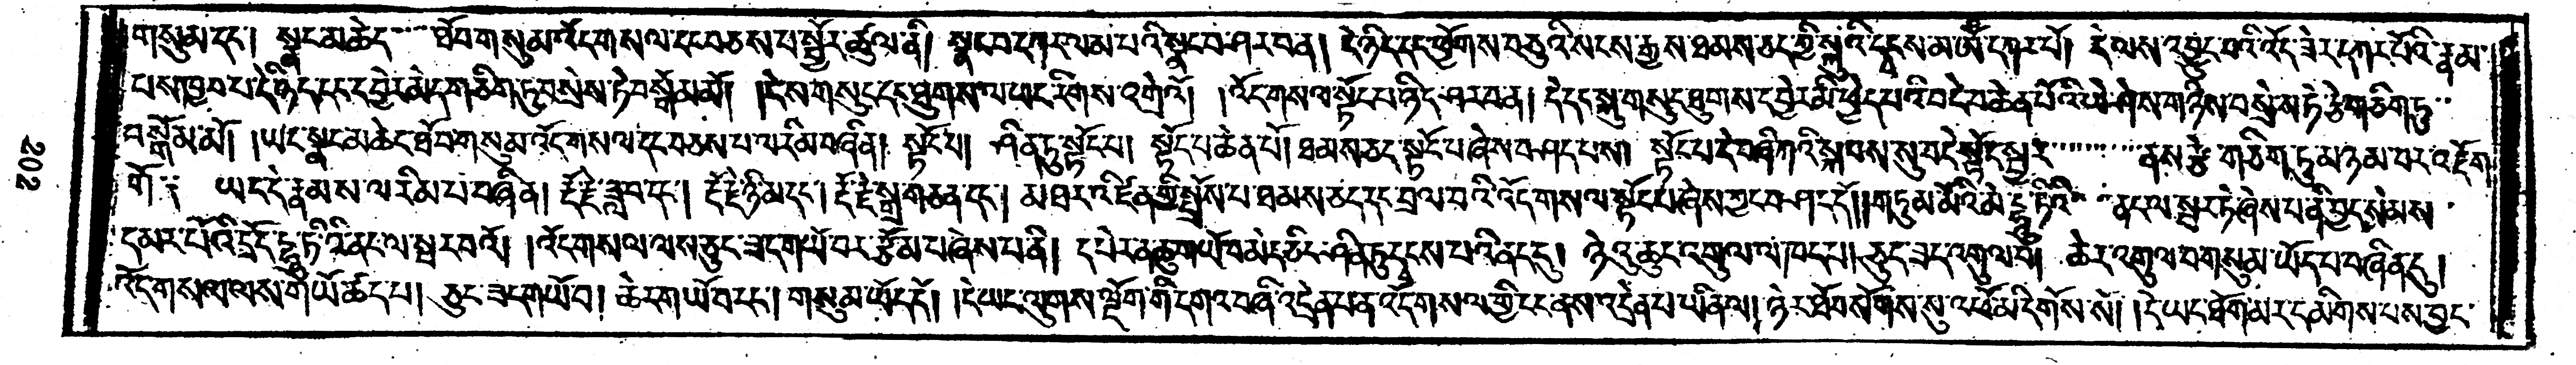གསུམ་དང་། སྣང་མཆེད་ཐོབ་གསུམ་འོད་གསལ་དང་བཅས་པ་སྦྱོར་ཚུལ་ནི། སྣང་བ་དཀར་ལམ་པའི་སྣང་བ་ཤར་བ་ན། དེ་ཉིད་དང་ཕྱོགས་བཅུའི་སངས་རྒྱས་ཐམས་ཅད་ཀྱི་སྐུའི་དྭངས་མ་ཨོཾ་དཀར་པོ། དེ་ལས་འབྱུང་བའི་འོད་ཟེར་དཀར་པོའི་རྣམ་
པས་ཁྱབ་པ་དེ་ཉིད་དང་དབྱེར་མེད་གཅིག་ཏུ་བསྲེས་ཏེ་བསྒོམ་མོ། །དེས་གསུང་དང་ཐུགས་ལ་ཡང་རིགས་འགྲེའོ། །འོད་གསལ་སྟོང་པ་ཉིད་ཤར་བ་ན། དེ་དང་སྐུ་གསུང་ཐུགས་དབྱེར་མི་ཕྱེད་པའི་བདེ་བ་ཆེན་པོའི་ཡེ་ཤེས་གཉིས་བསྲེ་ས་ཏེ་རྩེ་གཅིག་ཏུ་
བསྒོམ་མོ། །ཡང་སྣང་མཆེད་ཐོབ་གསུམ་འོད་གསལ་དང་བཅས་པ་ལ་རིམ་བཞིན། སྟོང་པ། ཤིན་ཏུ་སྟོང་པ། སྟོད་པ་ཆེན་པོ། ཐམས་ཅད་སྟོང་པ་ཞེས་བཤད་པས། སྟོང་པ་དེ་བཞི་ཀའི་སྐབས་སུ་བདེ་སྟོད་སྦྱར་ནས་རྩེ་གཅིག་ཏུ་མཉམ་པར་འཇོག་
གོ༑ ཡང་དེ་རྣམས་ལ་རིམ་པ་བཞིན། རྡོ་རྗེ་ཟླ་བ་དང་། རྡོ་རྗེ་ཉི་མ་དང་། རྡོ་རྗེ་སྒྲ་གཅན་དང་། མཐར་འཛིན་གྱི་སྤྲོས་པ་ཐམས་ཅད་དང་བྲལ་བའི་འོད་གསལ་སྟོང་པ་ཞེས་ཀྱང་བཤད་དོ། །གཏུམ་མོའི་མེ་དྷཱུ་ཏིའི་?་ནང་ལ་སྦར་ཏེ་ཞེས་པ་ནི་བྱང་སེམས་
དམར་པོའི་དྲོད་དྷཱུ་ཏིའི་ནང་ལ་སྦར་བའོ། །འོད་གསལ་ལས་ཅུང་ཟད་གཡོ་བར་རྩོམ་པ་ཞེས་པ་ནི། དཔེར་ན་ཆུ་གཡོ་བ་མེད་ཅིང་ཤིན་ཏུ་དྭངས་པའི་ནང་དུ། ཉེའུ་ཆུང་འགུལ་ལ་ཁད་པ། ཅུང་ཟད་འགུལ་བ། ཆེར་འགུལ་བ་གསུམ་ཡོད་པ་བཞིན་དུ།
འོད་གསལ་ལས་གཡོ་ཚད་པ། ཅུང་ཟད་གཡོ་བ། ཆེར་གཡོ་བ་དང་། གསུམ་ཡོད་དོ། །དེ་ཡང་ལུགས་ལྡོག་གི་དགའ་བཞི་འདྲེན་པ་ན་འོད་གསལ་གྱི་ངང་ནས་འདྲེན་པ་ཡིན་ལ། ཉེར་ཐོབ་སོགས་སུ་འཕོ་མི་དགོས་སོ། །དེ་ཡང་ཐོག་མར་དམིགས་པས་བྱང་